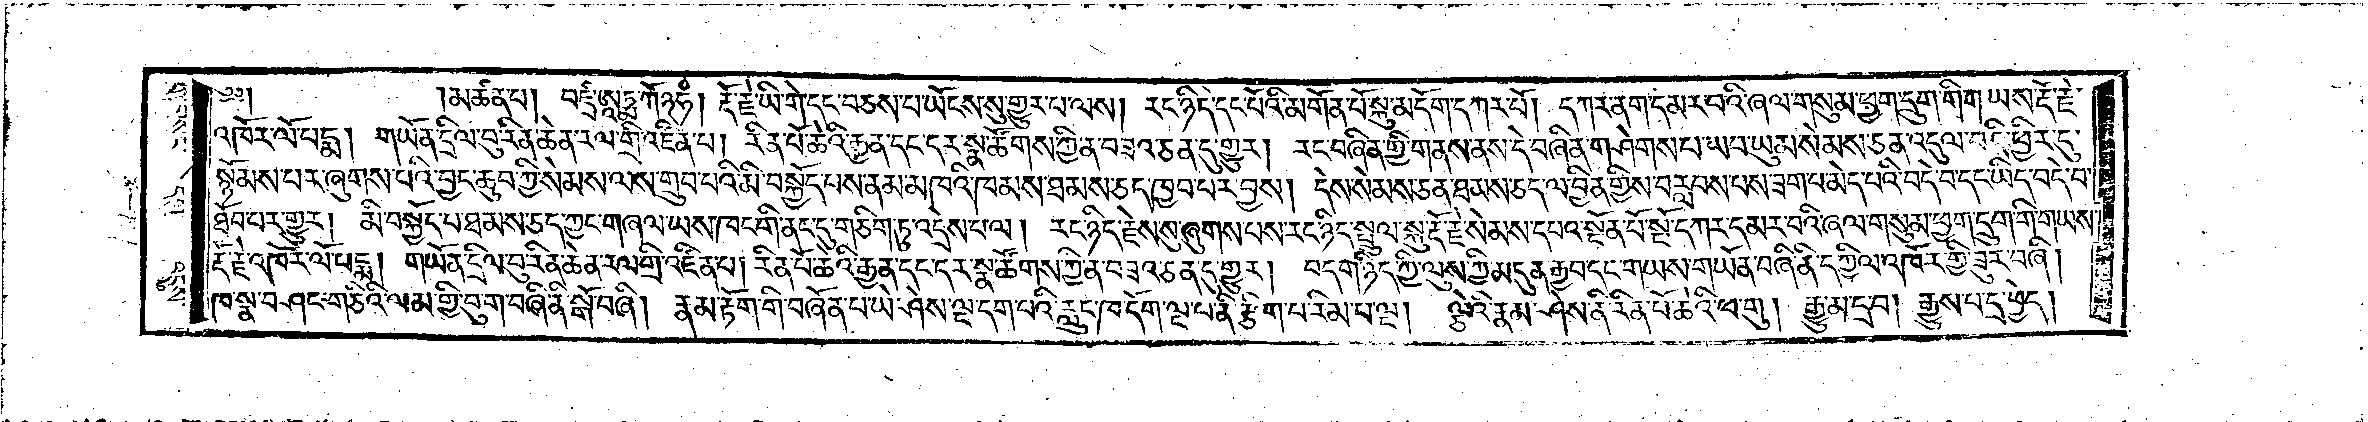༄༅། །མཚན་པ། བཛྲ་ཨཱཏྨ་ཀོཉཧཾ། རྡོ་རྗེ་ཡི་གེ་དང་བཅས་པ་ཡོངས་སུ་གྱུར་པ་ལས། རང་ཉིད་དང་པོའི་མགོན་པོ་སྐུ་མདོག་དཀར་པོ། དཀར་ནག་དམར་བའི་ཞལ་གསུམ་ཕྱག་དྲུག་གི་གཡས་རྡོ་རྗེ་
འཁོར་ལོ་པདམ། གཡོན་དྲིལ་བུ་རིན་ཆེན་རལ་གྲི་འཛིན་པ། རིན་པོ་ཆེའི་རྒྱན་དང་དར་སྣ་ཚོགས་ཀྱི་ན་བཟའ་ཅན་དུ་གྱུར། རང་བཞིན་གྱི་གནས་ནས་དེ་བཞིན་གཤེགས་པ་ཡབ་ཡུམ་སེམས་ཅན་འདུལ་བའི་ཕྱིར་དུ་
སྙོམས་པར་ཞུགས་པའི་བྱང་ཆུབ་ཀྱི་སེམས་ལས་གྲུབ་པའི་མི་བསྐྱོད་པས་ནམ་མཁའི་ཁམས་ཐམས་ཅད་ཁྱབ་པར་བྱས། དེས་སེམས་ཅན་ཐམས་ཅད་ལ་བྱིན་གྱིས་བརླབས་པས་ཟག་པ་མེད་པའི་བདེ་བ་དང་ཡིད་བདེ་བ་
ཐོབ་པར་གྱུར། མི་བསྐྱོད་པ་ཐམས་ཅད་ཀྱང་གཞལ་ཡས་ཁང་གི་ནང་དུ་གཅིག་ཏུ་འདྲེས་པ་ལ། རང་ཉིད་རྗེས་སུ་ཞུགས་པས་རང་ཉིད་སྤྲུལ་སྐུ་རྡོ་རྗེ་སེམས་དཔའ་སྔོན་པོ་སྔོ་དཀར་དམར་བའི་ཞལ་གསུམ་ཕྱག་དྲུག་གི་གཡས་
རྡོ་རྗེ་འཁོར་ལོ་པདམ། གཡོན་དྲིལ་བུ་རིན་ཆེན་རལ་གྲི་འཛིན་པ། རིན་པོ་ཆེའི་རྒྱན་དང་དར་སྣ་ཚོགས་ཀྱི་ན་བཟའ་ཅན་དུ་གྱུར། བདག་ཉིད་ཀྱི་ལུས་ཀྱི་མདུན་རྒྱབ་དང་གཡས་གཡོན་བཞི་ནི་དཀྱིལ་འཁོར་གྱི་ཟུར་བཞི།
ཁ་སྣ་བཤང་གཅིའི་ལམ་གྱི་བུག་བཞི་ནི་སྒོ་བཞི། རྣམ་རྟོག་གི་བཞོན་པ་ཡེ་ཤེས་ལྔ་དག་པའི་རླུང་ཁ་དོག་ལྔ་པ་ནི་རྩིག་པ་རིམ་པ་ལྔ། ལྕེའི་རྣམ་ཤེས་ནི་རིན་པོ་ཆེའི་ཕ་གུ། རྒྱུ་མ་དྲ་བ། རྒྱུས་པ་དྲ་ཕྱེད།